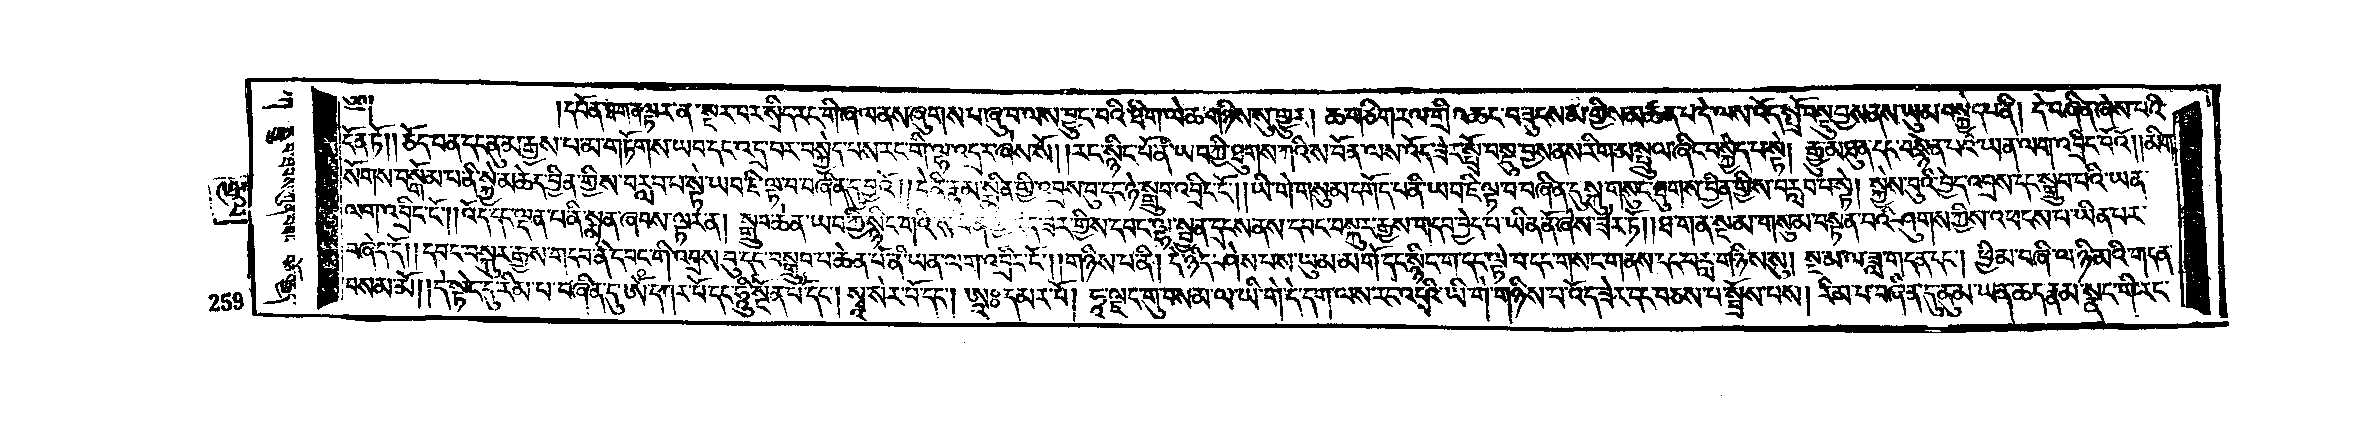༄༅། །དཔོན་ཐག་ན་ལྟར་ན་སྔར་པར་སྲིད་རང་གི་ཞལ་ནས་ཞུགས་པ་ཞུ་བ་ལས་བྱུང་བའི་ཐིག་ལེ་ཆ་གཉིས་སུ་གྱུར། ཆ་གཅིག་རལ་གྲི་འཆང་བཟུངས་མ་གྱིས་མཚན་པ་དེ་ལས་འོད་སྤྲོ་བསྡུ་བྱས་ནས་ཡུམ་བསྐྱེད་པ་ནི། དེ་བཞིན་ཞེས་པའི་
དོན་ཏོ། །ཅོད་པ་ན་དང་ནུ་མ་རྒྱས་པ་མ་གཏོགས་ཡབ་དང་འདྲ་བར་བསྐྱེད་པས་རང་གི་ལྷ་འདྲར་ཞེས་སོ། །རང་སྙིང་པོ་ནི་ཡབ་ཀྱི་ཐུགས་ཀའི་ས་བོན་ལས་འོད་ཟེར་སྤྲོ་བསྡུ་བྱས་ནས་རིག་མ་སྤྲུལ་ཞིང་བསྐྱེད་པ་སྟེ། རྒྱུ་མཐུན་དང་བསྙེན་པའི་ཡན་ལག་འབྲིང་པོའོ། །མིག་
སོགས་བསྒོམ་པ་ནི་སྐྱེ་མཆེད་བྱིན་གྱིས་བརླབ་པ་སྟེ་ཡབ་ཇི་ལྟ་བ་བཞིན་དུ་བྱའོ། །དེ་ནི་རྣམ་སྨིན་གྱི་འབྲས་བུ་དང་ཉེ་སྒྲུབ་འབྲིང་ངོ། །ཡི་གེ་གསུམ་དགོད་པ་ནི་ཡབ་ཇི་ལྟ་བ་བཞིན་དུ་སྐུ་གསུང་ཐུགས་བྱིན་གྱིས་བརླབ་པ་སྟེ། སྐྱེས་བུའི་བྱེད་འབྲས་དང་སྒྲུབ་པའི་ཡན་
ལག་འབྲིང་ངོ། །འོད་དང་ལྡན་པ་ནི་སྨན་ཞབས་ལྟར་ན། སྒྲུབ་ཆེན་ཡབ་ཀྱི་སྙིང་གའི་ས་བོན་གྱི་འོད་ཟེར་གྱིས་དབང་ལྷ་སྤྱན་དྲངས་ནས་དབང་བསྐུར་རྒྱས་གདབ་བྱེད་པ་ཡིན་ནོ་ཞེས་ཟེར་ཏོ། །ཐ་ག་ན་སྔ་མ་གསུམ་བསྟན་པའི་ཤུགས་ཀྱིས་འཕངས་པ་ཡིན་པར་
བཞེད་དོ། །དབང་བསྐུར་རྒྱས་གདབ་ནི་དབང་གི་འབྲས་བུ་དང་བསྒྲུབ་པ་ཆེན་པོ་ནི་ཡན་ལག་འབྲིང་ངོ། །གཉིས་པ་ནི། དེ་ཉིད་ཤེས་པས་ཡུམ་མགོ་དང་སྙིང་ག་དང་ལྟེ་བ་དང་གསང་གནས་དང་བརླ་གཉིས་སུ། སྔ་མ་ལ་ཟླ་གདན་དང་། ཕྱི་མ་བཞི་ལ་ཉི་མའི་གདན་
བསམ་མོ། །དེ་སྟེང་དུ་རིམ་པ་བཞིན་དུ་ཨོཾ་དཀར་པོ་དང་ཧཱུཾ་སྔོན་པོ་དང་། སྭཱ་སེར་པོ་དང་། ཨཱཿ དམར་པོ། ཧཱ་ལྗང་གུ་བསམ་ལ་ཡི་གེ་དེ་དག་ལས་རང་འདྲའི་ཡི་གེ་གཉིས་པ་འོད་ཟེར་དང་བཅས་པ་སྤྲོས་པས། རིམ་པ་བཞིན་དུ་ནུ་མ་ཡན་ཆད་རྣམ་སྣང་གི་རང་